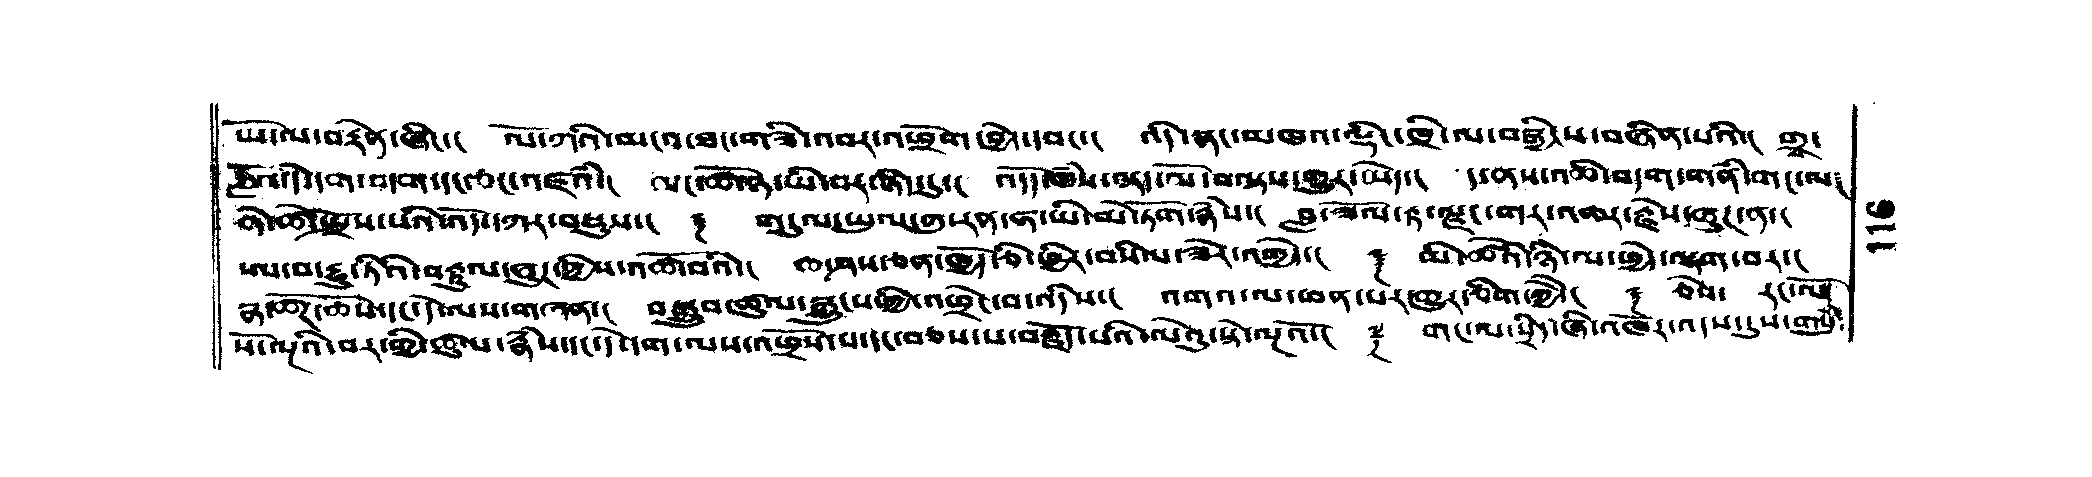མོ་ལ་བརྟེན་ཞིང་། །ལོ་ཀའི་མངའ་ཐང་གཟི་འབར་འཕྲོག་བྱེད་དབང་། །འདི་སྣང་མཁའ་ལྡིང་ཁྲི་ལ་བསྒྱིངས་བཞིན་པའི། །གྲྭ་
སློབ་དེ་དག་བདག་དང་ཅང་འཛའམ། །ལང་ཚོ་ཉ་ཡི་བར་ཉིད་དུ། །འདོད་ཁམས་ལྟད་མོ་བལྟས་གྱུར་མེད། །ད་ནས་འཆི་བདག་གནམ་གང་ལ། །
ཉེ་ཚེ་སྤྲོས་པའི་འོད་དཀར་བསྡུས། །གདུལ་ཡུལ་ཀུ་རན་ཧ་ཡི་མེ་ཏོག་རྣམས། །བླ་ཟོལ་རྟ་ལྗང་གར་འཆར་རྗེས་ཞུགས་ན། །
ཨ་བ་དྷུ་ཏིའི་བརྟུལ་ཞུགས་ཀྱི་འཚོ་བའི། །ཆ་ཤས་ཅན་ཁྱོད་ཅི་ཕྱིར་བསིལ་ཟེར་འགྱེད། །མི་ཚེའི་ཉི་མ་ཕྱེད་ལྷག་བར། །
སྣ་ཚོགས་ཆོས་དང་དེ་ལས་གཞན། །བསྒྲུབ་ཚུལ་སྒྲུང་གི་འཕྲེང་བ་འདིས། །འགའ་ལ་ཕན་པར་གྱུར་ཅིག་ཀྱཻ། ཞེས་རང་ལོ་
སོ་ལྔའི་བར་གྱི་ཚུལ་རྣམས་དང་དེ་དག་ལས་འཕྲོས་པ་དང་བཅས་པ་བརྗོད་པའི་ལེའུ་སྟེ་ལྔ་བའོ།། གང་ལ་སྲིད་ཞི་འཁོར་འདས་དུས་གསུམ་